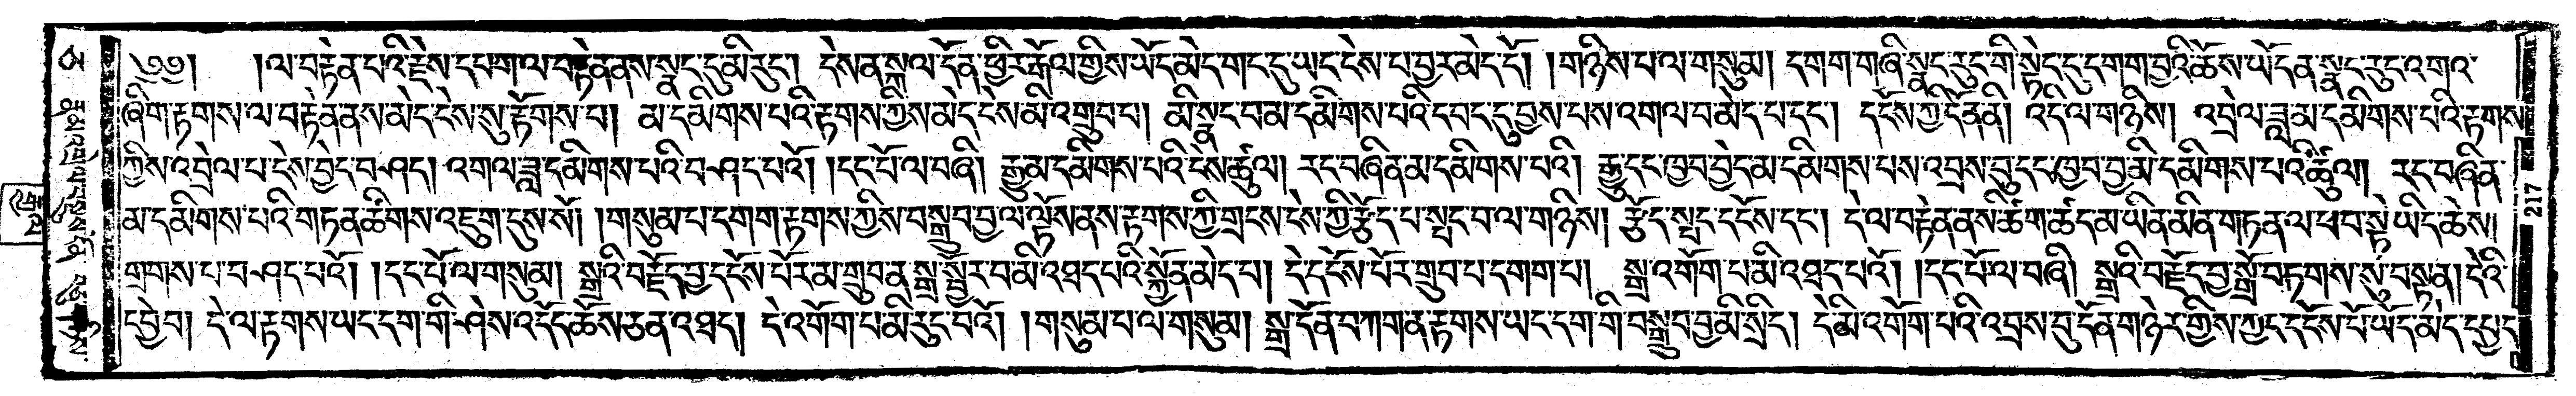༄༅། །ལ་བརྟེན་པའི་རྗེས་དཔག་ལ་བརྟེན་ནས་སྣང་དུ་མི་རུང་། དེས་ན་སྐལ་དོན་ཕྱིར་རྒོལ་གྱིས་ཡོད་མེད་གང་དུ་ཡང་ངེས་པ་བྱར་མེད་དོ། །གཉིས་པ་ལ་གསུམ། དགག་གཞི་སྣང་རུང་གི་སྟེང་དུ་དགག་བྱའི་ཆོས་ཡོད་ན་སྣང་རུང་འགའ་
ཞིག་རྟགས་ལ་བརྟེན་ནས་མེད་ངེས་སུ་རྟོགས་པ། མ་དམིགས་པའི་རྟགས་ཀྱིས་མེད་ངེས་མི་འགྲུབ་པ། མི་སྣང་བ་མ་དམིགས་པའི་དབང་དུ་བྱས་པས་འགལ་བ་མེད་པ་དང་། དངོས་ཀྱི་དོན་ནི། འདི་ལ་གཉིས། འབྲེལ་ཟླ་མ་དམིགས་པའི་རྟགས་
ཀྱིས་འབྲེལ་པ་ངེས་བྱེད་བཤད། འགལ་ཟླ་དམིགས་པའི་བཤད་པའོ། །དང་པོ་ལ་བཞི། རྒྱུ་མ་དམིགས་པའི་ངེས་ཚུལ། རང་བཞིན་མ་དམིགས་པའི། རྒྱུ་དང་ཁྱབ་བྱེད་མ་དམིགས་པས་འབྲས་བུ་དང་ཁྱབ་བྱ་མི་དམིགས་པའི་ཚུལ། རང་བཞིན་
མ་དམིགས་པའི་གཏན་ཚིགས་འཇུག་དུས་སོ། །གསུམ་པ་དགག་རྟགས་ཀྱིས་བསྒྲུབ་བྱ་ལ་ལྟོས་ནས་རྟགས་ཀྱི་གྲངས་ངེས་ཀྱི་རྩོད་པ་སྤང་བ་ལ་གཉིས། རྩོད་སྤང་དངོས་དང་། དེ་ལ་བརྟེན་ནས་ཚིག་ཚད་མ་ཡིན་མིན་གཏན་ལ་ཕབ་སྟེ་ཡིད་ཆེས།
གྲགས་པ་བཤད་པའོ། །དང་པོ་ལ་གསུམ། སྒྲའི་བརྗོད་བྱ་དངོས་པོར་མ་གྲུབ་ན་སྒྲ་སྦྱོར་བ་མི་འཐད་པའི་སྐྱོན་མེད་པ། དེ་དངོས་པོར་གྲུབ་པ་དགག་པ། སྒྲ་འགོག་པ་མི་འཐད་པའོ། །དང་པོ་ལ་བཞི། སྒྲའི་བརྗོད་བྱ་སྒྲོ་བཏགས་སུ་བསྟན། དེའི་
དབྱེ་བ། དེ་ལ་རྟགས་ཡང་དག་གི་ཤེས་འདོད་ཆོས་ཅན་འཐད། དེ་འགོག་པ་མི་རུང་བའོ། །གསུམ་པ་ལ་གསུམ། སྒྲ་དོན་བཀག་ན་རྟགས་ཡང་དག་གི་བསྒྲུབ་བྱ་མི་སྲིད། དེ་མི་འགོག་པའི་འབྲས་བུ་དོན་གཉེར་གྱིས་ཀྱང་དངོས་པོ་ཡོད་མེད་དཔྱད་